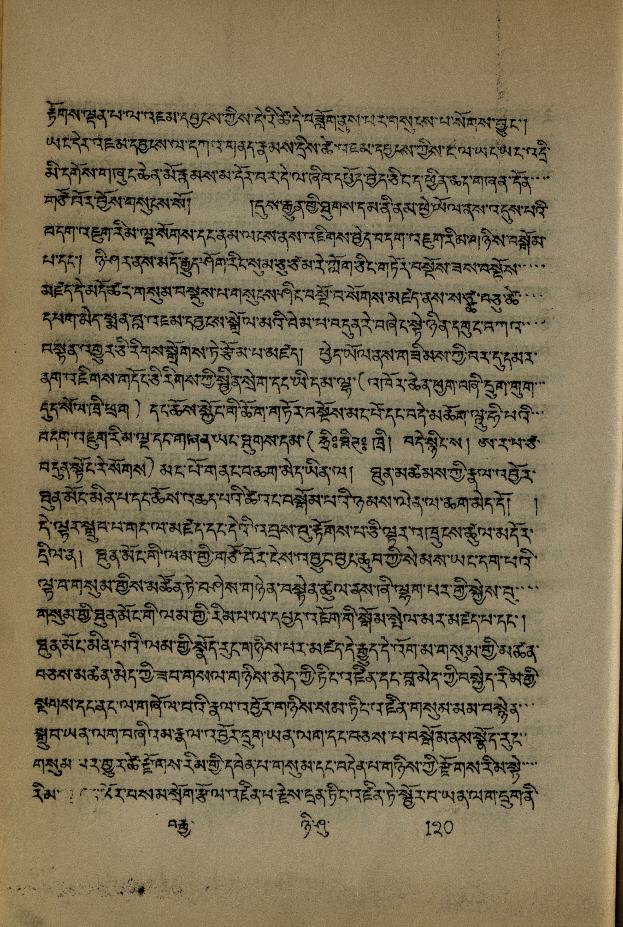རྟོགས་ལྡན་པ་ལ་འཇམ་དབྱངས་ཀྱིས་དེའི་ཚེ་དེ་བཟློག་ནུས་པར་གསུངས་པ་སོགས་བྱུང་།
ཡང་དེར་འཇམ་དབྱངས་ལ་དཀའ་གནད་རྣམས་དྲིས་ཚེ་འཇམ་དབྱངས་ཀྱིས་ང་ལ་ཡང་ཡང་འདྲི་
མི་དགོས་གཞུང་ཆེན་མོ་རྣམས་མ་དོར་བར་དེ་ལ་ཞིབ་དཔྱོད་བྱེད་ཅིང་ད་ཕྱིན་ཆད་གཞན་དོན་
གཙོ་བོར་བྱོས་གསུངས་སོ། །དུས་རྒྱུན་གྱི་ཐུགས་དམ་ནི་ནམ་ཕྱེ་ཡོལ་ནས་འདུས་པའི་
བདག་འཇུག་རིམ་ལྔ་སོགས་དང་ནམ་ལངས་ནས་འཇིགས་བྱེད་བདག་འཇུག་རིམ་གཉིས་བསྒོམ་
པ་དང་། ཉི་ཤར་ནས་མདོ་རྒྱུད་ཤོག་རིང་སུམ་ཅུ་ཙམ་རེ་ཀློག་ཅིང་གཏོར་བསྔོས་ཟས་བསྔོས་
མཛད་དེ་མདོ་ཚར་གསུམ་བསྡུས་པ་གསུངས་ཤིང་བསྔོ་བ་སོགས་མཛད་ནས་ས་ཙྪ་བཅུ་ཚེ་
དཔག་མེད་སྨན་བླ་འཇམ་དབྱངས་སྒྲོལ་མའི་བེམ་པ་བདུན་རེ་བཞེང་སྟེ་ཉིན་དགུང་བཀའ་
བསྟན་འགྱུར་ཅི་རིགས་སྒྲོགས་ཏེ་རྩོམ་པ་མཛད། ཕྱེད་ཡོལ་ནས་གཟིམས་ཀྱི་བར་དུ་དམར་
ནག་འཇིགས་གདོང་ཅི་རིགས་ཀྱི་སྦྱིན་སྲེག་དང་ཡི་དམ་ལྷ་འཁོར་ཆེན་ཕྱག་བཞི་དྲུག་གུག་
དུད་སོལ་ཁྲི་ཕྲག་དང་ཆོས་སྐྱོང་གི་ཆོ་ག་གཏོར་བསྔོས་མང་པོ་དང་བདེ་མཆོག་ལཱུ་ཧི་པའི་
བདག་འཇུག་རིམ་ལྔ་དང་གཞན་ཡང་ཐུགས་དམ་ཧྲཱིཿཐིཊཿཁྲི། བདེ་སྙིང་ས། ཨ་ར་པ་ཙ་
བདུན་སྟོང་རེ་སོགས་མང་པོ་གནང་བ་ཆག་མེད་ཡིན་ལ། ཐུན་མཚམས་ཀྱི་རྣལ་འབྱོར་
ཐུན་མོང་མིན་པ་དང་ཆོས་འཆད་པའི་ཚེའང་བསྒོམ་པའི་ཉམས་ལེན་ལ་ཆག་མེད་དོ། །
དེ་ལྟར་སྒྲུབ་པ་གང་ལ་མཛད་དང་དེའི་འབྲས་བུ་རྟོགས་པ་ཅི་ལྟར་འཁྲུངས་ཚུལ་མདོར་
དྲིལ་ན། ཐུན་མོང་གི་ལམ་གྱི་གཙོ་བོར་ངེས་འབྱུང་བྱང་ཆུབ་ཀྱི་སེམས་ཡང་དག་པའི་
ལྟ་བ་གསུམ་གྱིས་མཚོན་ཏེ་བཤེས་གཉེན་བསྟེན་ཚུལ་ནས་ཞི་ལྷག་པར་གྱི་སྐྱེས་བུ་
གསུམ་གྱི་ཐུན་མོང་གི་ལམ་གྱི་རིམ་པ་ལ་དཔྱད་འཇོག་གི་སྒོམ་སྤེལ་མར་མཛད་པ་དང་།
ཐུན་མོང་མིན་པའི་ལམ་གྱི་སྣོད་རུང་གཉིས་པར་མཛད་དེ་རྒྱུད་དེ་འོག་མ་གསུམ་གྱི་མཚན་
བཅས་མཚན་མེད་ཀྱི་ཟབ་གསལ་གཉིས་མེད་ཀྱི་ཏིང་འཛིན་དང་བླ་མེད་ཀྱི་བསྐྱེད་རིམ་གྱི་
སྔགས་དང་ནང་ལ་གཞོལ་བའི་རྣལ་འབྱོར་གཉིས་སམ་ཏིང་འཛིན་གསུམ་མམ་བསྙེན་
སྒྲུབ་ཡན་ལག་བཞིའམ་རྣལ་འབྱོར་དྲུག་ཡན་ལག་དང་བཅས་པ་བསྒོམ་ནས་སྣོད་རུང་
གསུམ་པར་གྱུར་ཚེ་རྫོགས་རིམ་གྱི་དབེན་པ་གསུམ་དང་བདེན་པ་གཉིས་ཀྱི་རྫོགས་རིམ་སྟེ་
རིམ་?་ངོར་བསམ་སྲོག་རྩོལ་འཛིན་པ་རྗེས་དྲན་ཏིང་འཛིན་ཏེ་སྦྱོར་བ་ཡན་ལག་དྲུག་ནི་